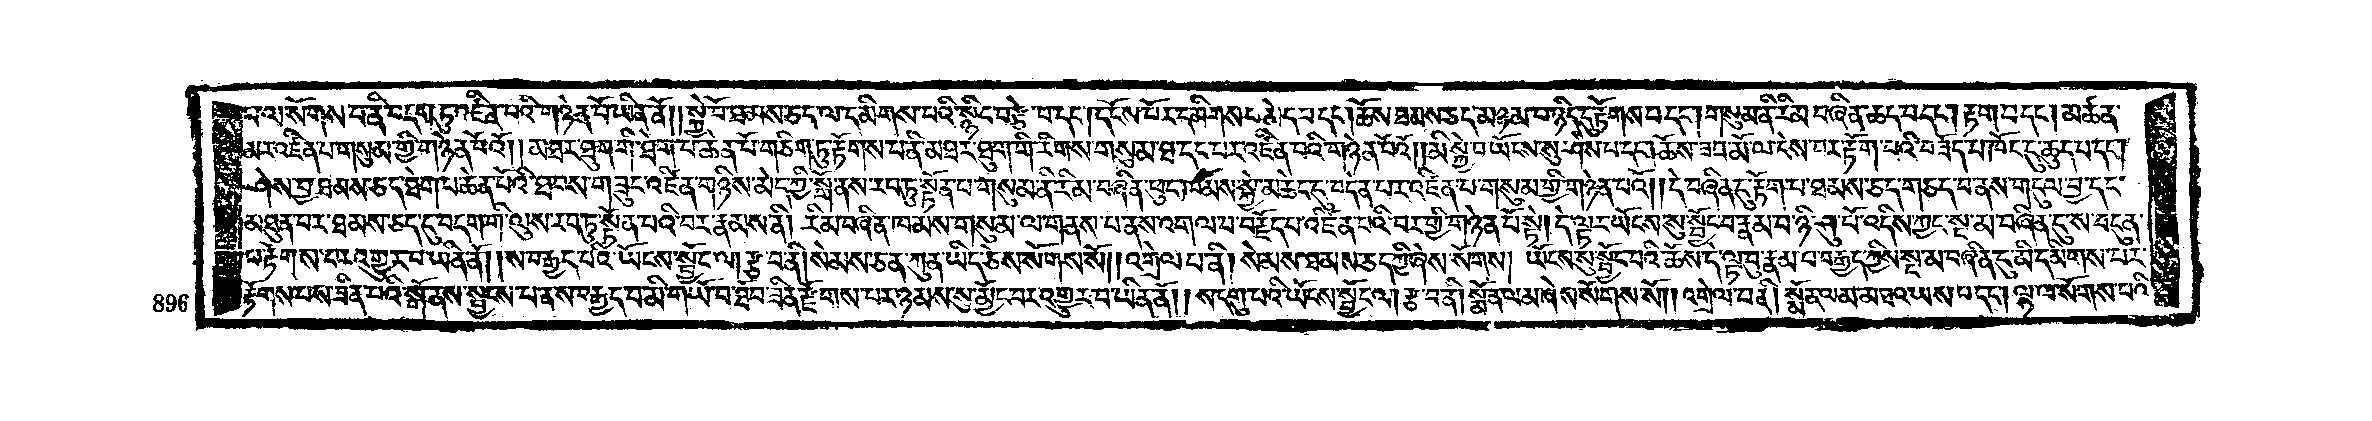པ་ལ་སོགས་པ་ནི་བདག་ཏུ་འཛིན་པའི་གཉེན་པོ་ཡིན་ནོ། །སྐྱེ་བོ་ཐམས་ཅད་ལ་དམིགས་པའི་སྙིང་བརྩེ་བ་དང་། དངོས་པོར་དམིགས་པ་མེད་པ་དང་། ཆོས་ཐམས་ཅད་མཉམ་པ་ཉིད་དུ་རྟོགས་པ་དང་། གསུམ་ནི་རིམ་བཞིན་ཆད་པ་དང་། རྟག་པ་དང་། མཚན་
མར་འཛིན་པ་གསུམ་གྱི་གཉེན་པོའོ། །མཐར་ཐུག་གི་ཐེག་པ་ཆེན་པོ་གཅིག་ཏུ་རྟོགས་པ་ནི་མཐར་ཐུག་གི་རིགས་གསུམ་ཐ་དད་པར་འཛིན་པའི་གཉེན་པོའོ། །མི་སྐྱེ་བ་ཡོངས་སུ་ཤེས་པ་དང་། ཆོས་ཟབ་མོ་ལ་ངེས་པར་རྟོག་པའི་བཟོད་པ་ཁོང་དུ་ཆུད་པ་དང་།
ཤེས་བྱ་ཐམས་ཅད་ཐེག་པ་ཆེན་པོའི་ཐབས་གཟུང་འཛིན་གཉིས་མེད་ཀྱི་སྒོ་ནས་རབ་ཏུ་སྟོན་པ་གསུམ་ནི་རིམ་བཞིན་ཕུང་ཁམས་སྐྱེ་མཆེད་དུ་བདེན་པར་འཛིན་པ་གསུམ་གྱི་གཉེན་པོའོ། །དེ་བཞིན་དུ་རྟོག་པ་ཐམས་ཅད་གཅད་པ་ནས་གདུལ་བྱ་དང་
མཐུན་པར་ཐམས་ཅད་དུ་བདག་གི་ལུས་རབ་ཏུ་སྟོན་པའི་བར་རྣམས་ནི། རིམ་བཞིན་ཁམས་གསུམ་ལ་གནས་པ་ནས་འགལ་བ་བརྗོད་པ་འཛིན་པའི་བར་གྱི་གཉེན་པོ་སྟེ། དེ་ལྟར་ཡོངས་སུ་སྦྱོང་བ་རྣམ་པ་ཉི་ཤུ་པོ་འདིས་ཀྱང་སྔ་མ་བཞིན་དུ་ས་བདུན་
པ་རྟོགས་པར་འགྱུར་བ་ཡིན་ནོ། །ས་བརྒྱད་པའི་ཡོངས་སྦྱོང་ལ། རྩ་བ་ནི། སེམས་ཅན་ཀུན་ཡིད་ཅེས་སོགས་སོ། །འགྲེལ་པ་ནི། སེམས་ཐམས་ཅད་ཀྱི་ཞེས་སོགས། ཡོངས་སུ་སྦྱོང་བའི་ཆོས་དེ་ལྟ་བུ་རྣམ་པ་བརྒྱད་ཀྱིས་སྔ་མ་བཞིན་དུ་མི་དམིགས་པར་
རྟོགས་པས་ཟིན་པའི་སྒོ་ནས་སྦྱངས་པ་ནས་བརྒྱད་པ་མི་གཡོ་བ་ཐོབ་ཟིན་རྫོགས་པར་ཉམས་སུ་མྱོང་བར་འགྱུར་བ་ཡིན་ནོ། ས་དགུ་པའི་ཡོངས་སྦྱོང་ལ། རྩ་བ་ནི། སྨོན་ལམ་ཞེས་སོགས་སོ། །འགྲེལ་བ་ནི། སྨོན་ལམ་མཐའ་ཡས་པ་དང་། ལྷ་ལ་སོགས་པའི་